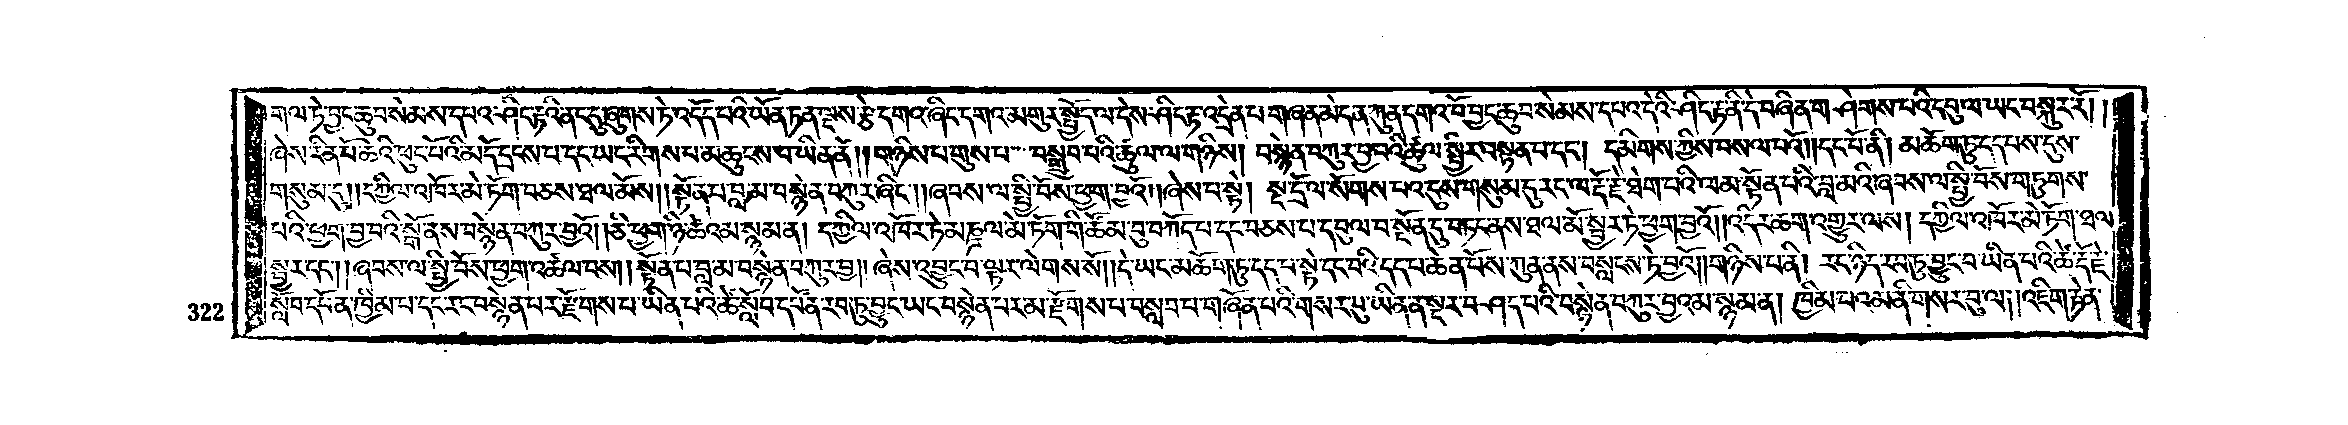གལ་ཏེ་བྱང་ཆུབ་སེམས་དཔའ་ཤིང་རྟའི་ནང་དུ་ཞུགས་ཏེ་འདོད་པའི་ཡོན་ཏན་ལྔས་རྩེ་དགའ་ཞིང་དགའ་མགུར་སྤྱོད་ལ་དེས་ཤིང་རྟ་འདྲེན་པ་གཞན་མེད་ན་ཀུན་དགའ་བོ་བྱང་ཆུབ་སེམས་དཔའ་དེའི་ཤིང་རྟ་ནི་དེ་བཞིན་གཤེགས་པའི་དབུ་ལ་ཡང་བསྐུར་རོ། །
ཞེས་རིན་པོ་ཆེའི་ཕུང་པོའི་མདོ་དྲངས་པ་དང་ཡང་རིགས་པ་མཆུངས་པ་ཡིན་ནོ། །གཉིས་པ་གུས་པ་བསྒྲུབ་པའི་ཚུལ་ལ་གཉིས། བསྙེན་བཀུར་བྱ་བའི་ཚུལ་སྤྱིར་བསྟན་པ་དང་། དམིགས་ཀྱིས་བསལ་པའོ། །དང་པོ་ནི། མཆོག་ཏུ་དད་པས་དུས་
གསུམ་དུ། །དཀྱིལ་འཁོར་མེ་ཏོག་བཅས་ཐལ་མོས། །སྟོན་པ་བླ་མ་བསྙེན་བཀུར་ཞིང་། །ཞབས་ལ་སྤྱི་བོས་ཕྱག་བྱའོ། །ཞེས་པ་སྟེ། སྔ་དྲོ་ལ་སོགས་པའི་དུས་གསུམ་དུ་རང་ལ་རྡོ་རྗེ་ཐེག་པའི་ལམ་སྟོན་པའི་བླ་མའི་ཞབས་ལ་སྤྱི་བོས་གཏུགས་
པའི་ཕྱག་བྱ་བའི་སྒོ་ནས་བསྙེན་བཀུར་བྱའོ། །ཅི་ཕྱག་ཉི་ཚེའམ་སྙམ་ན། དཀྱིལ་འཁོར་ཏེ་མཎྜལ་མེ་ཏོག་གི་ཚོམ་བུ་བཀོད་པ་དང་བཅས་པ་དབུལ་བ་སྔོན་དུ་བཏང་ནས་ཐལ་མོ་སྦྱར་ཏེ་ཕྱག་བྱའོ། །འདིར་ཆག་འགྱུར་ལས། དཀྱིལ་འཁོར་མེ་ཏོག་ཐལ་
སྦྱར་དང་། །ཞབས་ལ་སྤྱི་བོས་ཕྱག་འཚལ་བས། །སྟོན་པ་བླ་མ་བསྙེན་བཀུར་བྱ། །ཞེས་འབྱུང་བ་ལྟར་ལེགས་སོ། །དེ་ཡང་མཆོག་ཏུ་དད་པ་སྟེ་དང་བའི་དད་པ་ཆེན་པོས་ཀུན་ནས་བསླངས་ཏེ་བྱའོ། །གཉིས་པ་ནི། རང་ཉིད་རབ་ཏུ་བྱུང་བ་ཡིན་པའི་ཚེ་རྡོ་རྗེ་
སློབ་དཔོན་ཁྱིམ་པ་དང་རང་བསྙེན་པར་རྫོགས་པ་ཡིན་པའི་ཚེ་སློབ་དཔོན་རབ་ཏུ་བྱུང་ཡང་བསྙེན་པར་མ་རྫོགས་པ་བསླབ་པ་གཞོན་པའི་གསར་པུ་ཡིན་ན་སྔར་བཤད་པའི་བསྙེན་བཀུར་བྱའམ་སྙམ་ན། ཁྱིམ་པའམ་ནི་གསར་བུ་ལ། །འཇིག་རྟེན་